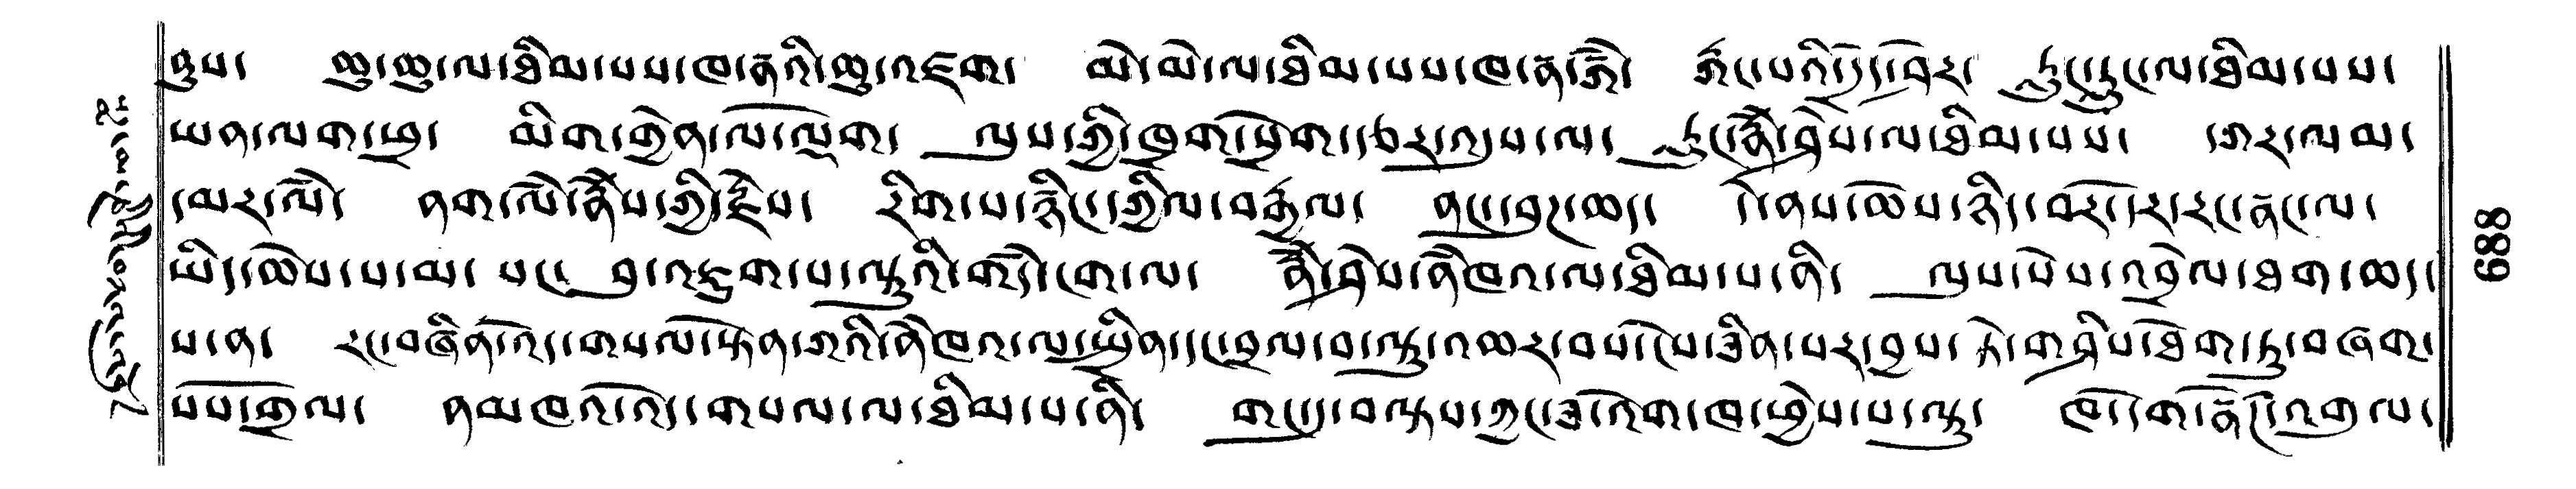ནུས། ཆུ་ཆུ་ལ་ཐིམ་པས་ཁ་སྣའི་ཆུ་འཛག མེ་མེ་ལ་ཐིམ་པས་ཁ་སྣ་སྐམ། རྐང་པའི་དྲོད་ཤོར། རླུང་རླུང་ལ་ཐིམ་པས་
ཡན་ལག་ཕྲ། མིག་གྱེན་ལ་ལྡོག ལུས་ཀྱི་ཁྲག་སྲོག་རྩར་འདུས་ལ།རླུང་རྣམ་ཤེས་ལ་ཐིམ་པས། དཀར་ལམ་
དམར་ལམ། ནག་ལམ་རྣམས་ཀྱི་རྗེས། རིག་པ་སྙིང་དཀྱིལ་བརྒྱལ། ནང་དབུགས་ཆད། དེ་ནས་ཆོས་ཉིད་བར་དོར་རང་སྣང་ལ་
ཡིད་ཆེས་པ་མ་པང་བུ་འཇུག་པ་ལྟ་བུའི་གདམས་ངག་ལ། རྣམ་ཤེས་ནམ་མཁའ་ལ་ཐིམ་པ་ནི། ལུས་པོས་འབྲེལ་ཐག་ཆད་
པ་ན། རང་བཞིན་འོད་གསལ་སྟོན་ཀའི་ནམ་མཁའ་ལ་སྤྲིན་དང་བྲལ་བ་ལྟ་བུ་འཆར་བས་ངོས་ཟིན་པར་བྱས་ཏེ་གཤིས་ཐོག་ཏུ་བཞག་
པས་གྲོལ། ནམ་མཁའ་འོད་གསལ་ལ་ཐིམ་པ་ནི། གང་དུ་བལྟས་ཀྱང་ཟ་འོག་ཁ་ཕྱེས་པ་ལྟ་བུ། ཁ་དོག་སྣ་ཚོགས་འགུལ་